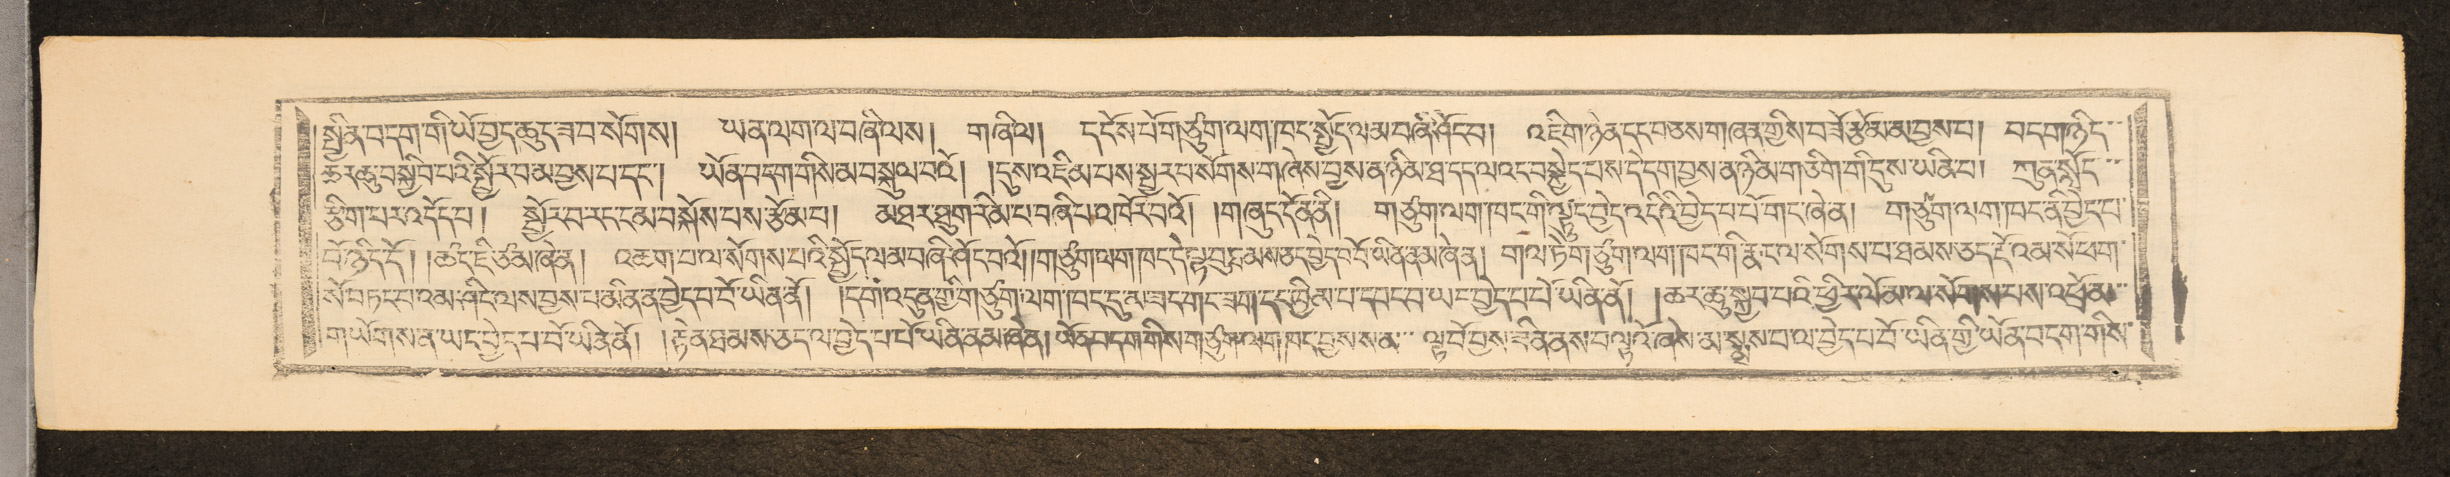སྦྱིན་བདག་གི་ཡོ་བྱད་ཆུད་ཟ་བ་སོགས། ཡན་ལག་ལ་བཞི་ལས། གཞིལ། དངོས་པོ་གཙུག་ལག་ཁང་སྤྱོད་ལམ་བཞི་ཤོང་བ། འཇིག་ཉེན་དང་བཅས་གཞན་གྱིས་བཟོ་རྩོམ་མ་བྱས་པ། བདག་ཉིད་
ཆར་ཆུ་བསྐྱབ་བའི་སྤྱོར་བ་མ་བྱས་པ་དང་། ཡོན་བདག་གིས་མ་བསྐུལ་བའོ། །དུས་འཇིམ་བས་སྤྱར་བ་སོགས་གཞི་མ་བྱས་ན་ཉི་མ་ཐ་དད་ལའང་བསྐྱེད་པས་དེ་དག་བྱས་ན་ཉི་མ་གཅིག་གི་དུས་ཡིན་པ། ཀུན་སློང་
རྩིག་པར་འདོད་པ། སྦྱོར་བ་རང་དམ་བསྐོས་པས་རྩོམ་པ། མཐར་ཐུག་རིམ་པ་བཞི་པ་འཁོར་བའོ། །གཞུང་དོན་ནི། གཙུག་ལག་ཁང་གི་ལྟུང་བྱེད་འདིའི་བྱེད་པ་པོ་གང་ཞེ་ན། གཙུག་ལག་ཁང་ནི་བྱེད་པ་
བོ་ཉིད་དོ། །ཚད་ཇི་ཙམ་ཞེ་ན། འཆག་པ་ལ་སོགས་པའི་སྤྱོད་ལམ་བཞི་ཤོང་བའོ། །གཙུག་ལག་ཁང་དེ་ལྟ་བུ་ཐམས་ཅད་བྱེད་པ་པོ་ཡིན་ནམ་ཞེ་ན། གལ་ཏེ་གཙུག་ལག་ཁང་གི་རྨང་ལ་སོགས་པ་ཐམས་ཅད་རྡོ་འམ་སོ་ཕག་
སོ་བཏང་པ་འམ་ཤིང་ལས་བྱས་པ་མིན་ན་བྱེད་པ་པོ་ཡིན་ནོ། །དགེ་འདུན་གྱི་གཙུག་ལག་ཁང་དུ་མ་ཟད་གང་ཟག་དང་ཁྱིམ་པ་དབང་བ་ཡང་བྱེད་པ་པོ་ཡིན་ནོ། །ཆར་ཆུ་སྐྱབ་པའི་ཕྱིར་ལོ་མ་ལ་སོགས་པས་འཕྲོ་མ་
གཡོགས་ན་ཡང་བྱེད་པ་བོ་ཡིན་ནོ། །རྟེན་ཐམས་ཅད་ལ་བྱེད་པ་པོ་ཡིན་ནམ་ཞེ་ན། ཡོན་བདག་གིས་གཙུག་ལག་ཁང་བྱས་ས་མ་ལྟ་བོ་བྱས་ཟིན་ནས་བལྟའོ་ཞེས་མ་སྨྲས་བ་ལ་བྱེད་པ་བོ་ཡིན་གྱི་ཡོན་བདག་གིས་